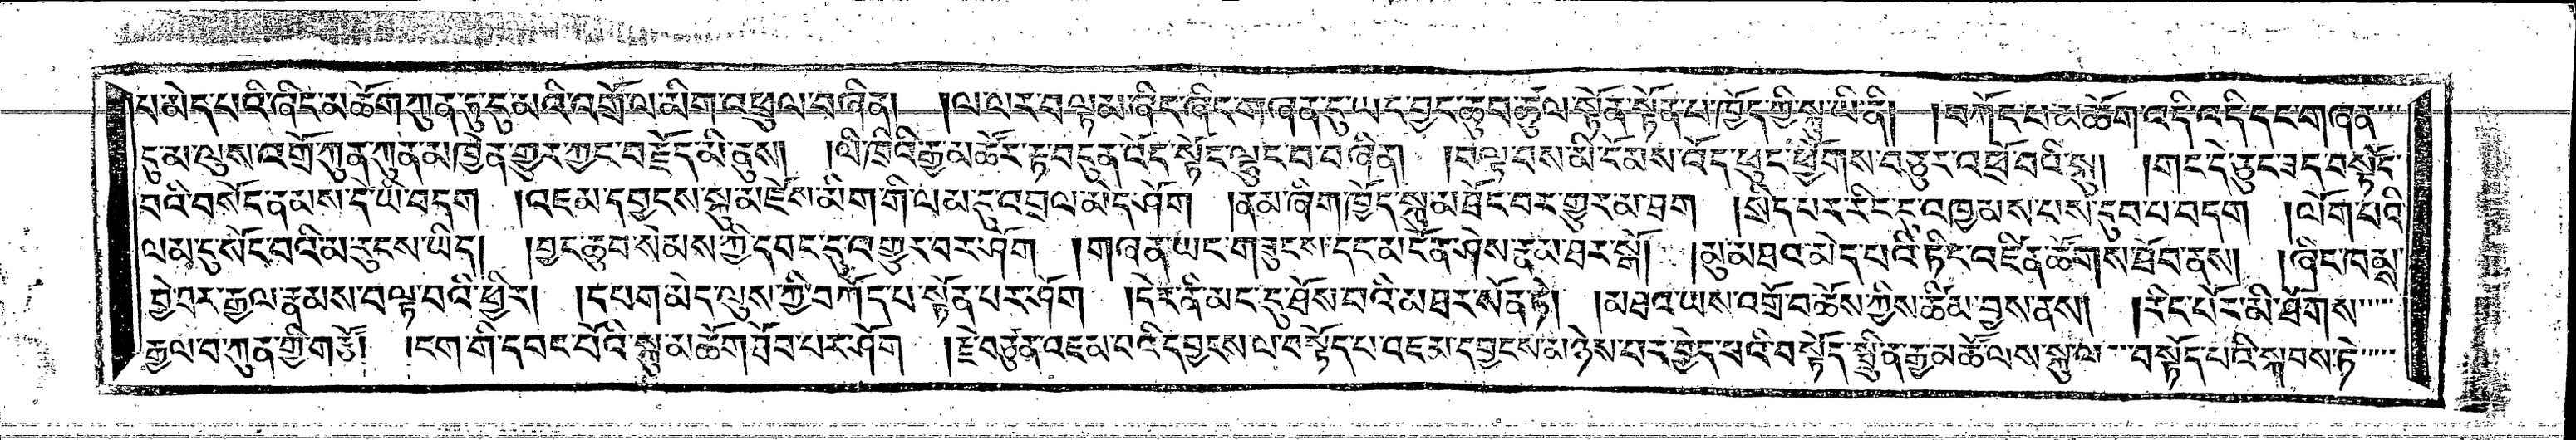པ་མེད་པའི་ཞིང་མཆོག་ཀུན་ཏུ་དུ་མའི་འགྲོ་ལ་མིག་འཕྲུལ་བཞིན། །ལ་ལར་བལྟམ་ཞིང་ཞིང་གཞན་དུ་ཡང་བྱང་ཆུབ་ཚུལ་སྟོན་སྟོན་པ་ཁྱོད་ཀྱི་སྐུ་ཡི་ནི། །བཀོད་པ་མཆོག་འདི་འདི་དང་གཞན་
དུ་མ་ལུས་འགྲོ་ཀུན་ཀུན་མཁྱེན་གྱུར་ཀྱང་བརྗོད་མི་ནུས། །ལི་ཁྲིའི་རྒྱ་མཚོར་རྟ་བདུན་འོད་སྟོང་ལྷུང་བ་བཞིན། །བལྟ་བས་མི་ངོམས་འོད་ཕུང་ཕྱོགས་བཅུར་འཕྲོ་བའི་སྐུ། །གང་དེ་ཅུང་ཟད་བསྟོང་
བའི་བསོད་ནམས་དེ་ཡི་བདག །འཇམ་དབྱངས་སྐུ་མཛེས་མིག་གི་ལམ་དུ་འབྲལ་མེད་ཤོག །ནམ་ཞིག་ཁྱོད་སྐུ་མཐོང་བར་གྱུར་མ་ཐག །སྲིད་པར་རིང་དུ་འཁྱམས་པས་དུབ་པ་བདག །ལོག་པའི་
ལམ་དུ་སོང་བའི་མ་རུངས་ཡིད། །བྱང་ཆུབ་སེམས་ཀྱི་དབང་དུ་འགྱུར་བར་ཤོག །གཞན་ཡང་གཟུངས་དང་མངོན་ཤེས་རྣམ་ཐར་སྒོ། །མུ་མཐའ་མེད་པའི་ཏིང་འཛིན་ཚོགས་ཐོབ་ནས། །ཞིང་ཁམས་
བྱེ་བར་རྒྱལ་རྣམས་བལྟ་བའི་ཕྱིར། །དཔག་མེད་ལུས་ཀྱི་བཀོད་པ་སྟོན་པར་ཤོག །དེར་ནི་མང་དུ་ཐོས་པའི་མཐར་སོན་ཏེ། །མཐའ་ཡས་འགྲོ་བ་ཆོས་ཀྱིས་ཚིམ་བྱས་ནས། །རིང་པོར་མི་ཐོགས་
རྒྱལ་བ་ཀུན་གྱི་གཙོ། །ངག་གི་དབང་པོའི་སྐུ་མཆོག་ཐོབ་པར་ཤོག །རྗེ་བཙུན་འཇམ་པའི་དབྱངས་ལ་བསྟོད་པ་འཇམ་དབྱངས་མཉེས་པར་བྱེད་པའི་བསྟོད་སྤྲིན་རྒྱ་མཚོ་ལས་སྐུ་ལ་བསྟོད་པའི་སྐབས་ཏེ་